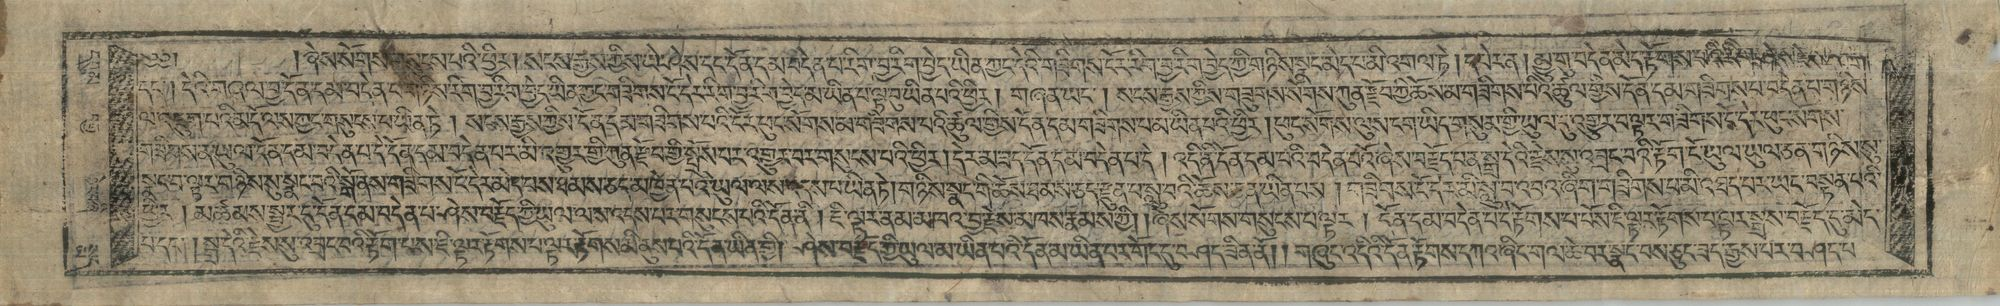༄༅། །ཞེས་སོགས་གསུངས་པའི་ཕྱིར། སངས་རྒྱས་ཀྱིས་ཡེ་ཤེས་དང་དོན་དམ་བདེན་པ་རིག་བྱ་རིག་བྱེད་ཡིན་ཀྱང་དེའི་གཟིགས་ངོར་རིག་བྱ་རིག་བྱེད་ཀྱི་གཉིས་སྣང་མེད་པ་མི་འགལ་ཏེ། དཔེར་ན། མྱུ་གུ་བདེན་མེད་རྟོགས་པའི་རིག་ཤེས་རྗེས་དཔག་
དང་། དེའི་གཞལ་བྱ་དོན་དམ་བདེན་པ་གཉིས་རིག་བྱ་རིག་བྱེད་ཡིན་ཀྱང་གཟིགས་ངོ་དེར་རིག་བྱ་རིག་བྱེད་མ་ཡིན་པ་ལྟ་བུ་ཡིན་པའི་ཕྱིར། གཞན་ཡང་། སངས་རྒྱས་ཀྱིས་གཟུགས་སོགས་ཀུན་རྫོབ་ཀྱི་ཆོས་མ་གཟིགས་པའི་ཚུལ་གྱིས་དོན་དམ་གཟིགས་པ་བདེན་པ་གཉིས་
ལ་འཇུག་པའི་མདོ་ལས་ཀྱང་གསུངས་པ་ཡིན་ཏེ། སངས་རྒྱས་ཀྱིས་དོན་དམ་གཟིགས་པའི་ངོར་ཕུང་སོགས་མ་གཟིགས་པའི་ཚུལ་གྱིས་དོན་དམ་གཟིགས་པ་མ་ཡིན་པའི་ཕྱིར། ཕུང་སོགས་ལུས་ངག་ཡིད་གསུམ་གྱི་ཡུལ་དུ་འགྱུར་བ་ལྟར་གཟིགས་ངོ་དེར་ཕུང་སོགས་
གཟིགས་ན་ཡུལ་དོན་དམ་བདེན་པ་དེ་དོན་དམ་བདེན་པར་མི་འགྱུར་གྱི་ཀུན་རྫོབ་ཀྱི་སྤྲོས་པར་འགྱུར་བར་གསུངས་པའི་ཕྱིར། དེར་མ་ཟད་དོན་དམ་བདེན་པ་དེ། འདི་ནི་དོན་དམ་པའི་བདེན་པའོ་ཞེས་བརྗོད་པ་ན་སྒྲ་དེའི་རྗེས་སུ་འབྲང་བའི་རྟོག་ངོ་ཡུལ་ཡུལ་ཅན་གཉིས་སུ་
སྣང་བ་ལྟར་གཉིས་སུ་སྣང་བའི་སྒོ་ནས་གཟིགས་ངོ་དེར་མེད་པས་ཐམས་ཅད་མཁྱེན་པའི་ཡུལ་ལས་འདས་པ་ཡིན་ཏེ། གཉིས་སྣང་གི་ཆོས་ཐམས་ཅད་རྫུན་པ་སླུ་བའི་ཆོས་ཅན་ཡིན་པས། གཟིགས་ངོ་དེར་མི་སླུ་བ་འབའ་ཞིག་གཟིགས་པ་མི་འཐད་པར་ཡང་བསྟན་པའི་
ཕྱིར། མཚམས་སྦྱར་དུ་དོན་དམ་བདེན་པ་ཤེས་བརྗོད་ཀྱི་ཡུལ་ལས་འདས་པར་གསུངས་པའི་དོན་ནི། ཇི་ལྟར་ནམ་མཁའ་བྱ་རྗེས་མཁས་རྣམས་ཀྱི། །ཞེས་སོགས་གསུངས་པ་ལྟར། དོན་དམ་བདེན་པ་དེ་རྟོགས་པ་པོས་ཇི་ལྟར་རྟོགས་པ་ལྟར་སྒྲས་བརྗོད་དུ་མེད་
པ་དང་། སྒྲ་དེའི་རྗེས་སུ་འབྲང་བའི་རྟོག་པས་ཇི་ལྟར་རྟོགས་པ་ལྟར་རྟོགས་མི་ནུས་པའི་དོན་ཡིན་གྱི། ཤེས་བརྗོད་ཀྱི་ཡུལ་མ་ཡིན་པའི་དོན་མ་ཡིན་པར་གོང་དུ་བཤད་ཟིན་ནོ། །གཞུང་འདིའི་དོན་རྟོགས་དཀའ་ཞིང་གལ་ཆེ་བར་སྣང་བས་ཅུང་ཟད་རྒྱས་པར་བཤད་པ་